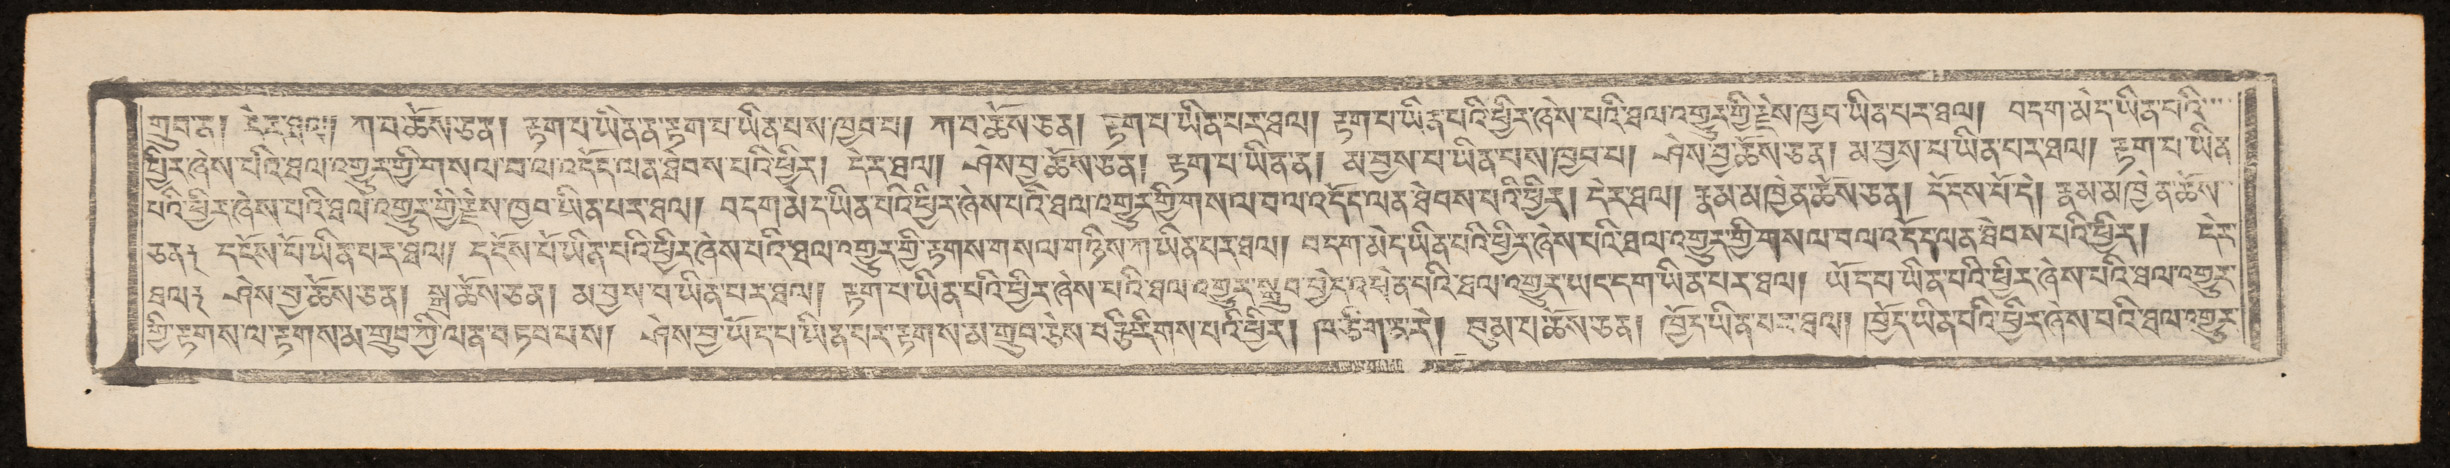གྲུབ་ན། དེར་ཐལ། ཀ་བ་ཆོས་ཅན། རྟག་པ་ཡིན་ན་རྟག་པ་ཡིན་པས་ཁྱབ་པ། ཀ་བ་ཆོས་ཅན། རྟག་པ་ཡིན་པར་ཐལ། རྟག་པ་ཡིན་པའི་ཕྱིར་ཞེས་པའི་ཐལ་འགྱུར་གྱི་རྗེས་ཁྱབ་ཡིན་པར་ཐལ། བདག་མེད་ཡིན་པའི་
ཕྱིར་ཞེས་པའི་ཐལ་འགྱུར་གྱི་གསལ་བ་ལ་འདོད་ལན་ཐེབས་པའི་ཕྱིར། དེར་ཐལ། ཤེས་བྱ་ཆོས་ཅན། རྟག་པ་ཡིན་ན། མ་བྱས་པ་ཡིན་པས་ཁྱབ་པ། ཤེས་བྱ་ཆོས་ཅན། མ་བྱས་པ་ཡིན་པར་ཐལ། རྟག་པ་ཡིན་
པའི་ཕྱིར་ཞེས་པའི་ཐལ་འགྱུར་གྱི་རྗེས་ཁྱབ་ཡིན་པར་ཐལ། བདག་མེད་ཡིན་པའི་ཕྱིར་ཞེས་པའི་ཐལ་འགྱུར་གྱི་གསལ་བ་ལ་འདོད་ལན་ཐེབས་པའི་ཕྱིར། དེར་ཐལ། རྣམ་མཁྱེན་ཆོས་ཅན། དངོས་པོ་དེ། རྣམ་མཁྱེན་ཆོས་
ཅན། དངོས་པོ་ཡིན་པར་ཐལ། དངོས་པོ་ཡིན་པའི་ཕྱིར་ཞེས་པའི་ཐལ་འགྱུར་གྱི་རྟགས་གསལ་གཉིས་ཀ་ཡིན་པར་ཐལ། བདག་མེད་ཡིན་པའི་ཕྱིར་ཞེས་པའི་ཐལ་འགྱུར་གྱི་གསལ་བ་ལ་འདོད་ལན་ཐེབས་པའི་ཕྱིར། དེར་
ཐལ། ཤེས་བྱ་ཆོས་ཅན། སྒྲ་ཆོས་ཅན། མ་བྱས་པ་ཡིན་པར་ཐལ། རྟག་པ་ཡིན་པའི་ཕྱིར་ཞེས་པའི་ཐལ་འགྱུར་སྒྲུབ་བྱེད་འཕེན་པའི་ཐལ་འགྱུར་ཡང་དག་ཡིན་པར་ཐལ། ཡོད་པ་ཡིན་པའི་ཕྱིར་ཞེས་པའི་ཐལ་འགྱུར་
གྱི་རྟགས་ལ་རྟགས་མ་གྲུབ་ཀྱི་ལན་བཏབ་པས། ཤེས་བྱ་ཡོད་པ་ཡིན་པར་རྟག་མ་གྲུབ་ཅེས་བརྩི་རིགས་པའི་ཕྱིར། ཁ་ཅིག་ན་རེ། བུམ་པ་ཆོས་ཅན། ཁྱོད་ཡིན་པར་ཐལ། ཁྱོད་ཡིན་པའི་ཕྱིར་ཞེས་པའི་ཐལ་འགྱུར་